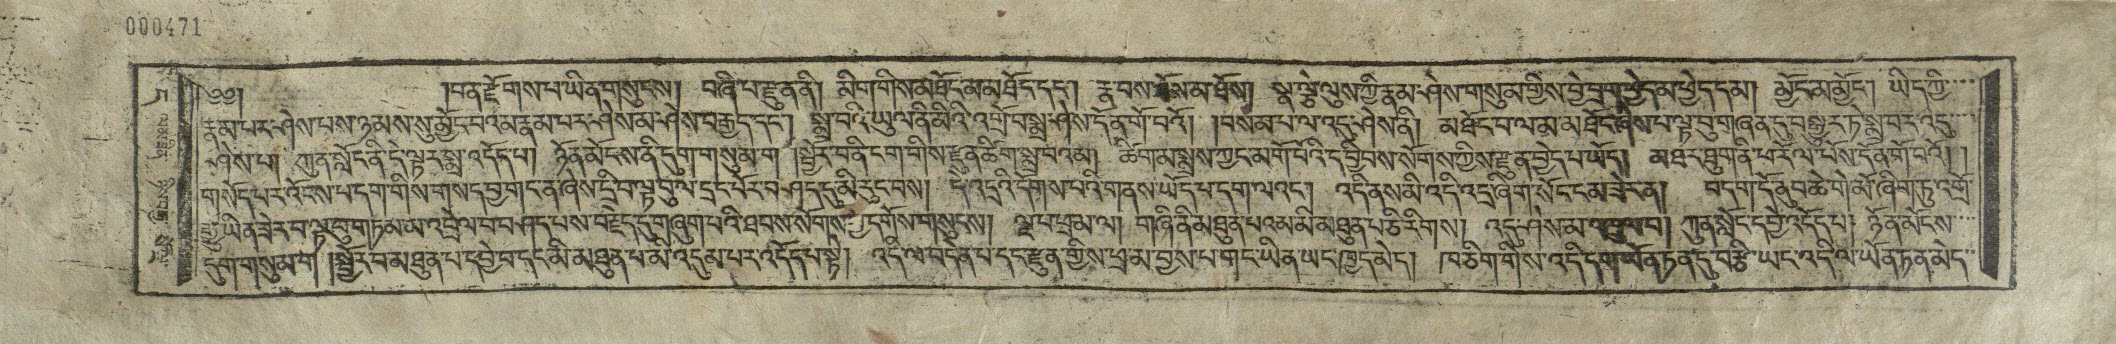༄༅། །བ་ན་རྫོགས་པ་ཡིན་གསུངས། བཞི་པ་རྫུན་ནི། མིག་གིས་མཐོང་མ་མཐོང་དང་། རྣ་བས་ཐོས་མ་ཐོས། སྣ་ལྕེ་ལུས་ཀྱི་རྣམ་ཤེས་གསུམ་གྱིས་བྱེ་བྲག་ཕྱེད་མ་ཕྱེད་དམ། མྱོང་མ་མྱོང་། ཡིད་ཀྱི་
རྣམ་པར་ཤེས་པས་ཉམས་སུ་མྱོང་བའམ་རྣམ་པར་ཤེས་མ་ཤེས་བརྒྱད་དང་། སྨྲ་བའི་ཡུལ་ནི་མིའི་འགྲོ་བ་སྨྲ་ཤེས་དོན་གོ་བའོ། །བསམ་པ་ལ་འདུ་ཤེས་ནི། མཐོང་བ་ལ་མ་མཐོང་ཞེས་པ་ལྟ་བུ་གཞན་དུ་བསྒྱུར་ཏེ་སྨྲ་བར་འདུ་
ཤེས་པ། ཀུན་སློང་ནི་དེ་ལྟར་སྨྲ་འདོད་པ། ཉོན་མོངས་ནི་དུག་གསུམ་ག །སྦྱོར་བ་ནི་ངག་གིས་རྫུན་ཚིག་སྨྲ་བའམ། ཚིག་མ་སྨྲས་ཀྱང་མགོ་བོའི་དབྱིབས་སོགས་ཀྱིས་རྫུན་བྱེད་པ་ཡོད། མཐར་ཐུག་ནི་ཕ་རོལ་པོས་དོན་གོ་བའོ། །
གསོད་པར་འོངས་པ་དག་གིས་གསད་བྱ་གང་ན་ཞེས་དྲི་བ་ལྟ་བུ་ལ་དྲང་པོར་བཤད་དུ་མི་རུང་བས། དེ་འདྲའི་དོགས་པའི་གནས་ཡོད་པ་དག་ལའང་། འདི་ནས་མི་འདི་འདྲ་ཞིག་སོང་ངམ་ཟེར་ན། བདག་དོ་ནུབ་ཆེ་གེ་མོ་ཞིག་ཏུ་འགྲོ་
རྒྱུ་ཡིན་ཟེར་བ་ལྟ་བུ་གཏམ་མ་འབྲེལ་བ་བཤད་པས་བརྗེད་དུ་གཞུག་པའི་ཐབས་སོགས་བྱ་དགོས་གསུངས། ལྔ་པ་ཕྲ་མ་ལ། གཞི་ནི་མཐུན་པའམ་མི་མཐུན་པ་ཅི་རིགས། འདུ་ཤེས་མ་འཁྲུལ་བ། ཀུན་སློང་དབྱེ་འདོད་པ། ཉོན་མོངས་
དུག་གསུམ་ག །སྦྱོར་བ་མཐུན་པ་དབྱེ་བ་དང་མི་མཐུན་པ་མི་འདུམ་པར་འདོད་པ་སྟེ། འདི་ལ་བདེན་པ་དང་རྫུན་གྱིས་ཕྲ་མ་བྱས་པ་གང་ཡིན་ཡང་ཁྱད་མེད། ཁ་ཅིག་གིས་འདི་དག་ཡོན་ཏན་དུ་བརྩི་ཡང་འདི་ལ་ཡོན་ཏན་མེད་